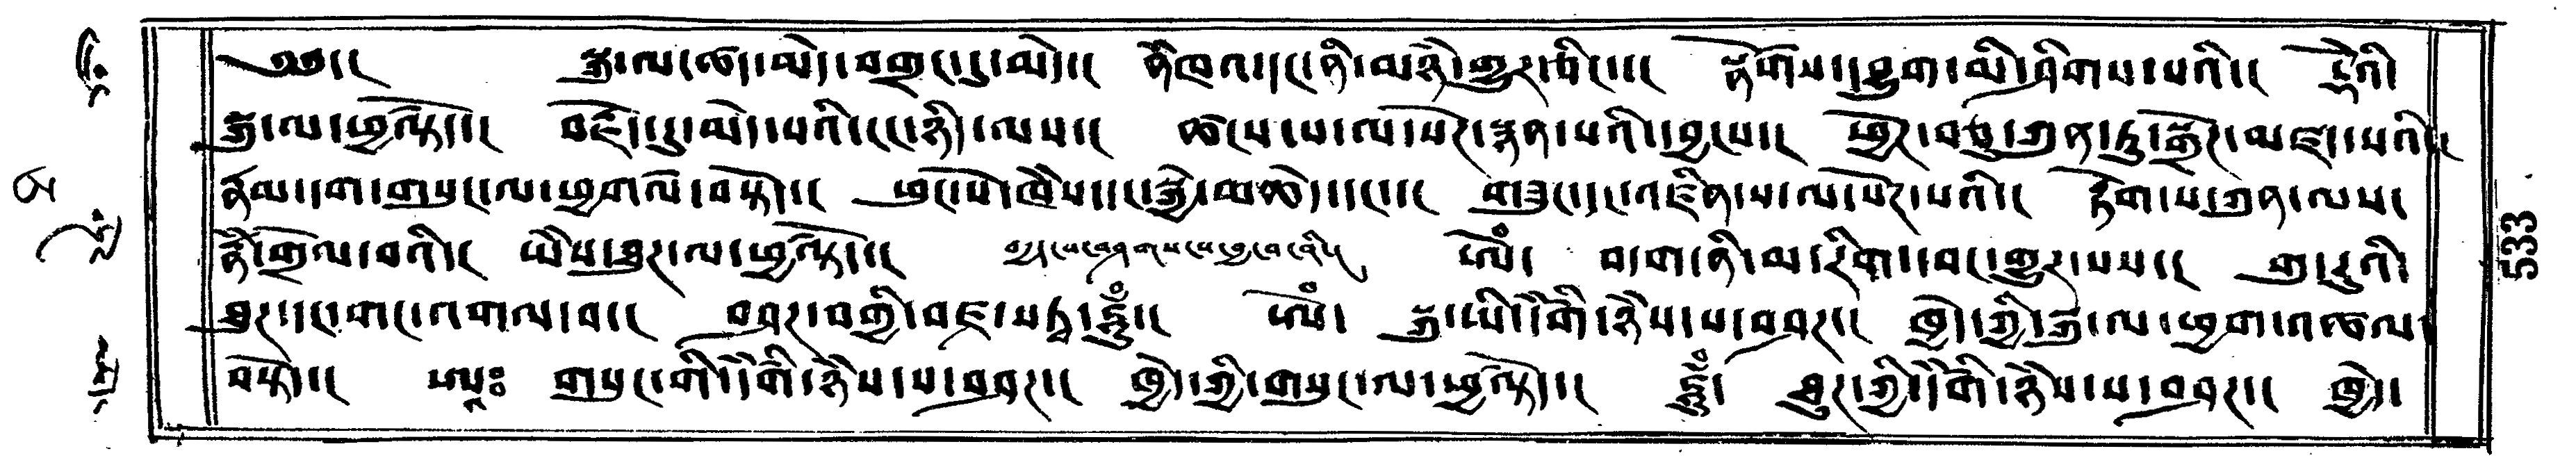།སྐུ་ལ་ཚད་མེད་བགྲང་དུ་མེད། །ནམ་མཁའ་དང་ནི་མཉམ་གྱུར་ཅིང་། །སྣ་ཚོགས་དབང་ཕྱུག་མི་ཤིགས་པའི། །རྡོ་
རྗེའི་སྐུ་ལ་ཕྱག་འཚལ་བསྟོད། །བརྗོད་དུ་མེད་པའི་ངང་ཉིད་ལས། །ཚངས་པ་ལ་སོགས་སྙན་པའི་དབྱངས། །ཕྱོགས་བཅུ་ཀུན་ཏུ་སྒྲོག་མཛད་པའི། །
རྣམ་དག་གསུང་ལ་ཕྱག་འཚལ་བསྟོད། །ཕུང་པོ་ཁམས་དང་སྐྱེ་མཆེད་དག །གཟུང་དང་འཛིན་པ་ལ་སོགས་པའི། །རྟོག་པ་ཀུན་ལས་
རྣམ་གྲོལ་བའི། །ཡེ་ཤེས་ཐུགས་ལ་ཕྱག་འཚལ་བསྟོད། བརྒྱད་པ་བཤགས་པ་བྱ་བ་ནི།ཨོཾ། བདག་ནི་མ་རིག་དབང་གྱུར་པས། །གུ་རུའི་
ཐུགས་དང་གང་འགལ་བ། །བཤགས་བགྱི་བཛྲ་ས་ཏྭ་ཧཱུྃ། ཨོཾ། སྐུ་ཡི་དམ་ཚིག་ཉམས་པ་བཤགས། ཁྱེད་ཀྱི་སྐུ་ལ་ཕྱག་འཚལ་
བསྟོད། ཨཱཿ གསུང་གི་དམ་ཚིག་ཉམས་པ་བཤགས། ཁྱེད་ཀྱི་གསུང་ལ་ཕྱག་འཚལ་བསྟོད། ཧཱུྃ། ཐུགས་ཀྱི་དམ་ཚིག་ཉམས་པ་བཤགས། ཁྱེད་